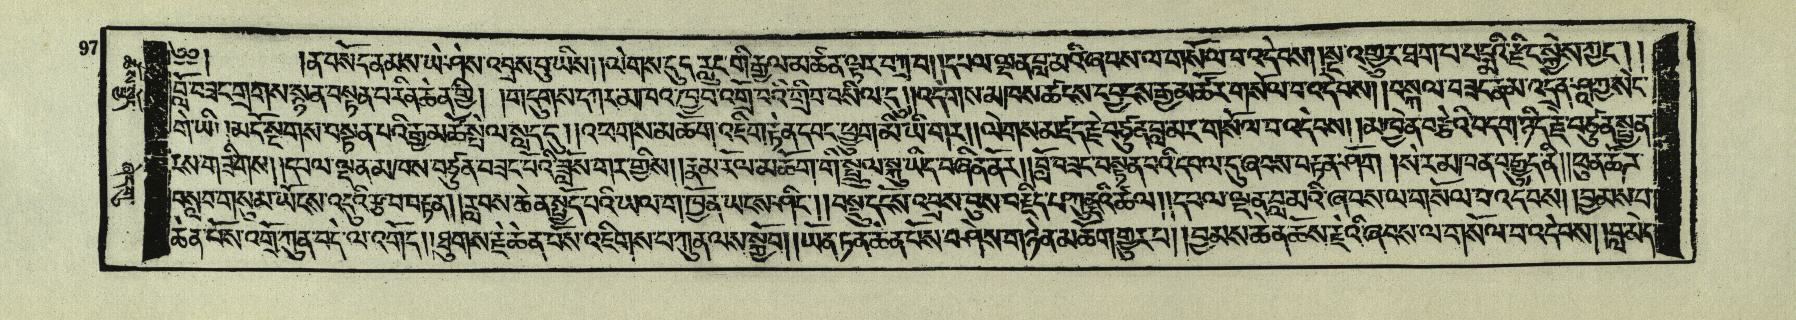༄༅། །ན་བསོད་ནམས་ཡེ་ཤེས་འབྲས་བུ་ཡིས། །ལེགས་དུད་རླུང་གི་རྒྱལ་མཚན་ལྟར་བཀྲ་བ། །དཔལ་ལྡན་བླ་མའི་ཞབས་ལ་གསོལ་བ་འདེབས། །སྔ་འགྱུར་ཐག་པ་པདམའི་རྫིང་སྐྱེས་ཀྱང་། །
བློ་བཟང་གྲགས་སྙན་བསྟན་པ་རིན་ཆེན་གྱི། །གདུགས་དཀར་མཁའ་ཁྱབ་འགྲོ་བའི་གྲིབ་བསིལ་དུ། །འདེགས་མཁས་ཚངས་དབྱངས་རྒྱ་མཚོར་གསོལ་བ་འདེབས། །བསྐལ་བཟང་རྣམ་འདྲེན་ཤཱཀྱ་སེང་
གེ་ཡི། །མདོ་སྔགས་བསྟན་པའི་རྒྱ་མཚོ་སྤེལ་སླད་དུ། །འཕགས་མཆོག་འཇིག་རྟེན་དབང་ཕྱུག་མི་ཡི་གར། །ལེགས་མཛད་རྗེ་བཙུན་བླ་མར་གསོལ་བ་འདེབས། །མཁྱེན་བརྩེའི་བདག་ཉིད་རྗེ་བཙུན་སྤྱན་
རས་གཟིགས། །དཔལ་ལྡན་མཁས་བཙུན་བཟང་པོའི་ཟློས་གར་གྱིས། །རྣམ་རོལ་མཆོག་གི་སྤྲུལ་སྐུ་ཡིད་བཞིན་ནོར། །བློ་བཟང་བསྟན་པའི་དཔལ་དུ་ཞབས་བརྟན་ཤོག །སེར་མཁན་བརྒྱུད་ནི། །ཕུན་ཚོཌ་
བསླབ་གསུམ་ཡོངས་འདུའི་རྩ་བ་བརྟན། །རླབས་ཆེན་སྤྱོད་པའི་ཡལ་ག་ཁྱོན་ཡངས་ཤིང་། །བསྡུ་དངོས་འབྲས་བུས་བརྗིད་པ་ཀུནྡའི་ཚལ། །དཔལ་ལྡན་བླ་མའི་ཞབས་ལ་གསོལ་བ་འདེབས། །བྱམས་པ་
ཆེན་པོས་འགྲོ་ཀུན་བདེ་ལ་འགོད། །ཐུགས་རྗེ་ཆེན་པོས་འཇིགས་པ་ཀུན་ལས་སྐྱོབ། །ཡོན་ཏན་ཆེན་པོས་བཤེས་གཉེན་མཆོག་གྱུར་པ། །བྱམས་ཆེན་ཆོས་རྗེའི་ཞབས་ལ་གསོལ་བ་འདེབས། །བླ་མེད་